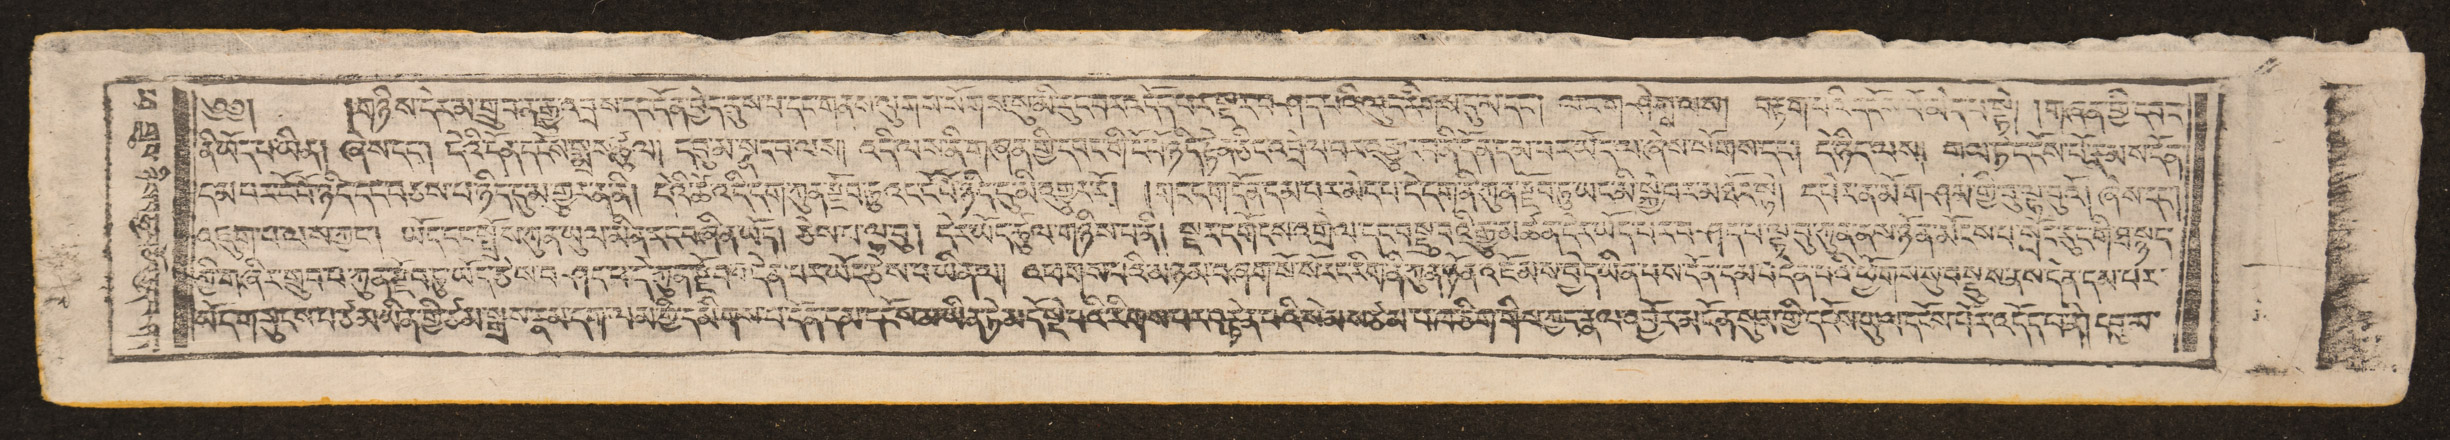༄༅། །གཉིས་དེར་མ་གྲུབ་ན་རྒྱུ་འབྲས་དང་དོན་བྱེད་ནུས་པ་དང་གནས་ལུགས་སོགས་སུ་མི་རུང་བར་འདོད་པར་སྔར་བཤད་པའི་ལུང་རིགས་དུ་མ་དང་། ལང་གཤེགས་ལས། བརྟག་པའི་དངོས་པོ་མེད་པ་སྟེ། །གཞན་གྱི་དབང་
ནི་ཡོད་པ་ཡིན། ཞེས་དང་། དེའི་དོན་དངོས་སྨས་ཚུལ། དབུ་མ་སྣང་བ་ལས། འདི་ལས་ནི་གཞན་གྱི་དབང་གི་ངོ་བོ་ཉིད་རྟེན་ཅིང་འདྲེལ་བར་འབྱུང་བ་ནི་དོན་དམ་པར་ཡོད་ལ་ཞེས་སོགས་དང་། དེ་ཉིད་ལས། གལ་ཏེ་དངོས་པོ་རྣམས་དོན་
དམ་པར་ངོ་བོ་ཉིད་དང་བཅས་པ་ཉིད་དུ་མ་གྱུར་ན་ནི། དེའི་ཚེ་འདི་དག་ཀུན་རྫོབ་ཏུའང་ངོ་བོ་ཉིད་དུ་མི་འགྱུར་རོ། །གང་དག་དོན་དམ་པར་མེད་པ་དེ་དག་ནི་ཀུན་རྫོབ་ཏུ་ཡང་མི་སྐྱེ་བར་མཐོང་སྟེ། དཔེར་ན་མོ་གཤམ་གྱི་བུ་ལྟ་བུའོ། ཞེས་དང་།
འཇུག་པ་ལས་ཀྱང་། ཡོད་དང་སྤྲོས་ཀུན་ཡུལ་མིན་རང་བཞིན་ཡོད། ཅེས་པ་ལྟ་བུ། དེར་ཡོད་ཚུལ་གཉིས་པ་ནི། སྔར་དགོངས་འགྲེལ་དང་བསྡུ་བའི་རྒྱུ་མཚན་དེར་ཡོད་པར་བཤད་པ་ལྟ་བུ་ཀུན་ནས་ཉོན་མོངས་པ་སློང་རུང་གི་ཐ་སྙད་
ཀྱི་གཞིར་གྲུབ་པ་ཀུན་རྫོབ་ཏུ་ཡོད་ཅེས་བཤད་པ་དེ་ཀུན་རྫོབ་འདེན་པར་ཡོད་ཅེས་པ་ཡིན་ལ། འཕགས་པའི་མཉམ་བཤག་སོ་སོ་རང་རིག་ནི་ཀུན་ཉོན་འཇོམས་བྱེད་ཡིན་པས་དོན་དམ་པ་དེན་པའི་ཕྱོགས་སུ་བསྡུས་ནས་དོན་དམ་པར་
ཡོང་གསུངས་པ་ཙམ་ཡིན་གྱི་ཙམ་སྒྲས་རྣམ་དག་ལམ་གྱི་དམིགས་པ་དོན་དམ་དངོས་མ་ཡིན་ཏེ་མདོ་སྡེ་པའི་རིགས་པར་བརྟེན་པའི་སེམས་ཙམ་པ་ཁ་ཅིག་གིས་ཀྱང་རྣལ་འབྱོར་མངོན་སུམ་གྱི་དངོས་ཡུལ་དངོས་པོར་འདོད་པ་ནི། དབུ་མ་